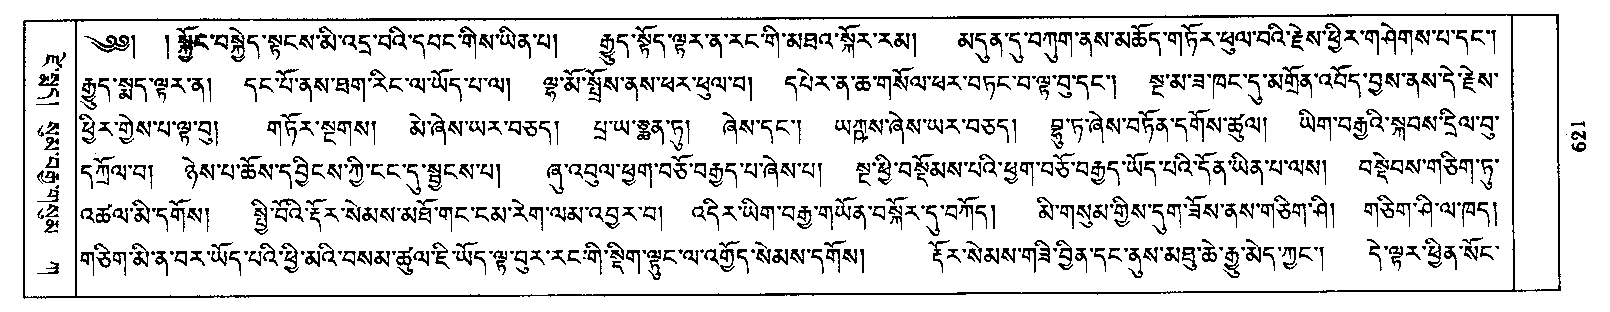༄༅། །སྐྱོང་བསྐྱེད་སྟངས་མི་འདྲ་བའི་དབང་གིས་ཡིན་པ། རྒྱུད་སྟོད་ལྟར་ན་རང་གི་མཐའ་སྐོར་རམ། མདུན་དུ་བཀུག་ནས་མཆོད་གཏོར་ཕུལ་བའི་རྗེས་ཕྱིར་གཤེགས་པ་དང་།
རྒྱུད་སྨད་ལྟར་ན། དང་པོ་ནས་ཐག་རིང་ལ་ཡོད་པ་ལ། ལྷ་མོ་སྤྲོས་ནས་ཕར་ཕུལ་བ། དཔེར་ན་ཆ་གསོལ་ཕར་བཏང་བ་ལྟ་བུ་དང་། སྔ་མ་ཟ་ཁང་དུ་མགྲོན་འབོད་བྱས་ནས་དེ་རྗེས་
ཕྱིར་གྱེས་པ་ལྟ་བུ། གཏོར་སྔགས། མེ་ཞེས་ཡར་བཅད། པྲ་ཡ་ཙྪན་ཏུ། ཞེས་དང་། ཡཀྵས་ཞེས་ཡར་བཅད། བྷུ་ཏ་ཞེས་བཏོན་དགོས་ཚུལ། ཡིག་བརྒྱའི་སྐབས་དྲིལ་བུ་
དཀྲོལ་བ། ཉེས་པ་ཆོས་དབྱིངས་ཀྱི་ངང་དུ་སྦྱངས་པ། ཞུ་འབུལ་ཕྱག་བཅོ་བརྒྱད་པ་ཞེས་པ། སྔ་ཕྱི་བསྡོམས་པའི་ཕྱག་བཅོ་བརྒྱད་ཡོད་པའི་དོན་ཡིན་པ་ལས། བསྡེབས་གཅིག་ཏུ་
འཚལ་མི་དགོས། སྤྱི་བོའི་རྡོར་སེམས་མཐོ་གང་ངམ་རེག་ལམ་འབྱར་བ། འདིར་ཡིག་བརྒྱ་གཡོན་བསྐོར་དུ་བཀོད། མི་གསུམ་གྱིས་དུག་ཟོས་ནས་གཅིག་ཤི། གཅིག་ཤི་ལ་ཁད།
གཅིག་མི་ན་བར་ཡོད་པའི་ཕྱི་མའི་བསམ་ཚུལ་ཇི་ཡོད་ལྟ་བུར་རང་གི་སྡིག་ལྟུང་ལ་འགྱོད་སེམས་དགོས། རྡོར་སེམས་གཟི་བྱིན་དང་ནུས་མཐུ་ཆེ་རྒྱུ་མེད་ཀྱང་། དེ་ལྟར་ཕྱིན་སོང་